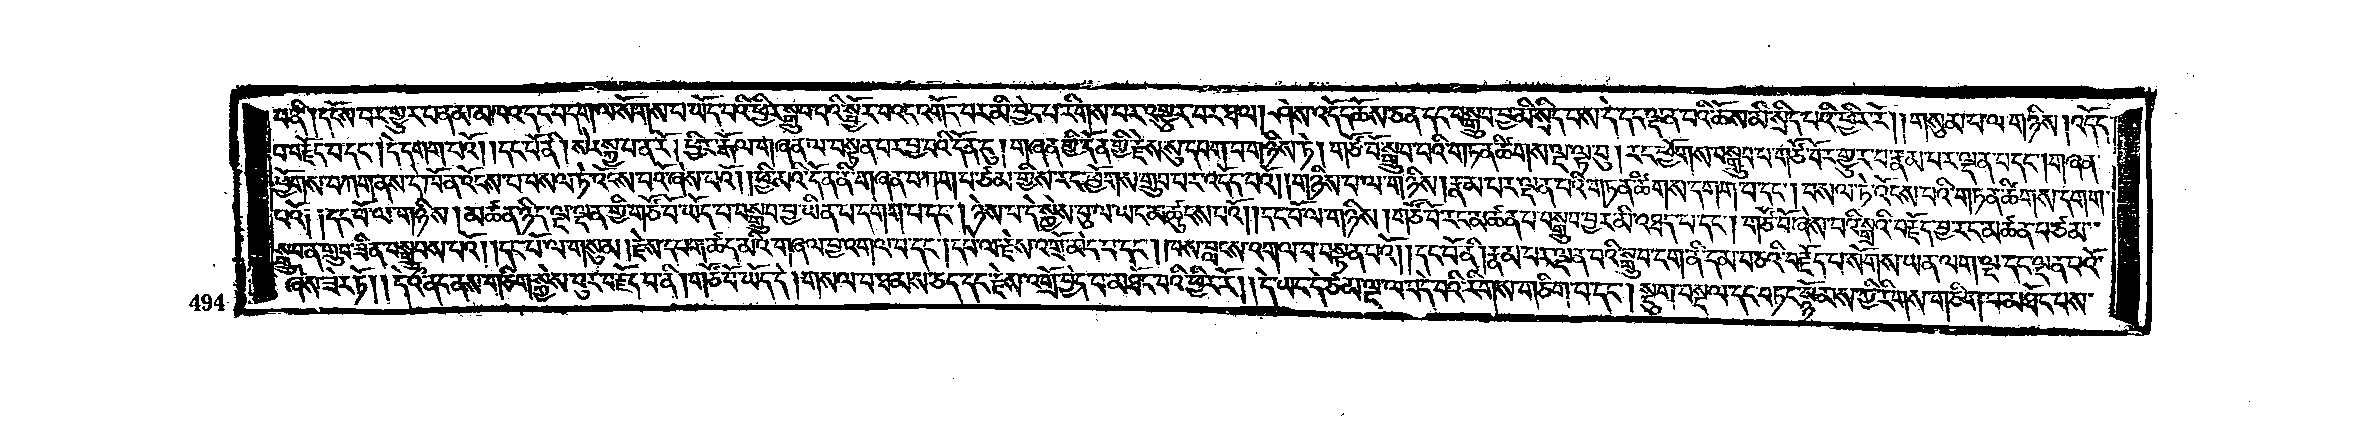བ་ནི། དངོས་པར་གྱུར་པ་ནམ་མཁའ་དང་བདག་ལ་སོགས་པ་ཡོད་པའི་ཕྱིར་སྒྲུབ་པའི་སྦྱོར་བའང་འགོད་པར་མི་བྱེད་པ་རིགས་པར་འགྱུར་བར་ཐལ། ཤེས་འདོད་ཆོས་ཅན་དང་བསྒྲུབ་བྱ་མི་སྲིད་པས་དེ་དང་ལྡན་པའི་ཆོས་མི་སྲིད་པའི་ཕྱིར་རོ། །གསུམ་པ་ལ་གཉིས། འདོད་
པ་བརྗོད་པ་དང་། དེ་དགག་པའོ། །དང་པོ་ནི། སེར་སྐྱ་པ་ན་རེ། ཕྱིར་རྒོལ་གཞན་ལ་བསྟན་པར་བྱ་བའི་དོན་དུ། གཞན་གྱི་དོན་གྱི་རྗེས་སུ་དཔག་པ་གཉིས་ཏེ། གཙོ་བོ་སྒྲུབ་པའི་གཏན་ཚིགས་ལྔ་ལྟ་བུ། རང་ཕྱོགས་བསྒྲུབ་པ་གཙོ་བོར་གྱུར་པ་རྣམ་པར་ལྡན་པ་དང་། གཞན་
ཕྱོགས་བཀག་ནས་དེ་ཁོ་ན་འོངས་པ་བསལ་ཏེ་འོངས་པའོ་ཞེས་པའོ། །ཕྱི་མའི་དོན་ནི་གཞན་བཀག་པ་ཙམ་གྱིས་རང་ཕྱོགས་གྲུབ་པར་འདོད་པའོ། །གཉིས་པ་ལ་གཉིས། རྣམ་པར་ལྡན་པའི་གཏན་ཚིགས་དགག་པ་དང་། བསལ་ཏེ་འོངས་པའི་གཏན་ཚིགས་དགག་
པའོ༑ ༑དང་པོ་ལ་གཉིས། མཚན་ཉིད་ལྔ་ལྡན་གྱི་གཙོ་བོ་ཡོད་པ་བསྒྲུབ་བྱ་ཡིན་པ་དགག་པ་དང་། ཉེས་པ་དེ་སྐྱེས་བུ་ལ་ཡང་མཚུངས་པའོ། །དང་པོ་ལ་གཉིས། གཙོ་བོ་རང་མཚན་པ་བསྒྲུབ་བྱར་མི་འཐད་པ་དང་། གཙོ་བོ་ཞེས་པའི་སྒྲའི་བརྗོད་བྱ་རང་མཚན་པ་ཙམ་
སྒྲུབ་ན་གྲུབ་ཟིན་བསྒྲུབས་པའོ། །དང་པོ་ལ་གསུམ། རྗེས་དཔག་ཚད་མའི་གཞལ་བྱ་འགལ་བ་དང་། དཔེ་ལ་རྗེས་འགྲོ་མེད་པ་དང་། ཁས་བླངས་འགལ་བ་བསྟན་པའོ། །དང་པོ་ནི། རྣམ་པར་ལྡན་པའི་སྒྲུབ་ངག་ནི་དམ་བཅའི་བརྗོད་པ་སོགས་ཡན་ལག་ལྔ་དང་ལྡན་པའོ་
ཞེས་ཟེར་ཏོ། །དེའི་ནང་ནས་གཅིག་སྐྱེས་བུར་བརྗོད་པ་ནི། གཙོ་བོ་ཡོད་དེ། གསལ་བ་ཐམས་ཅད་དང་རྗེས་འགྲོ་བྱེད་པ་མཐོང་བའི་ཕྱིར་རོ། །དེ་ཡང་དེ་ཙམ་ལྔ་ལ་བདེ་བའི་རིགས་གཅིག་པ་དང་། སྡུག་བསྔལ་དང་བཏང་སྙོམས་ཀྱི་རིགས་གཅིག་པ་མཐོང་བས་